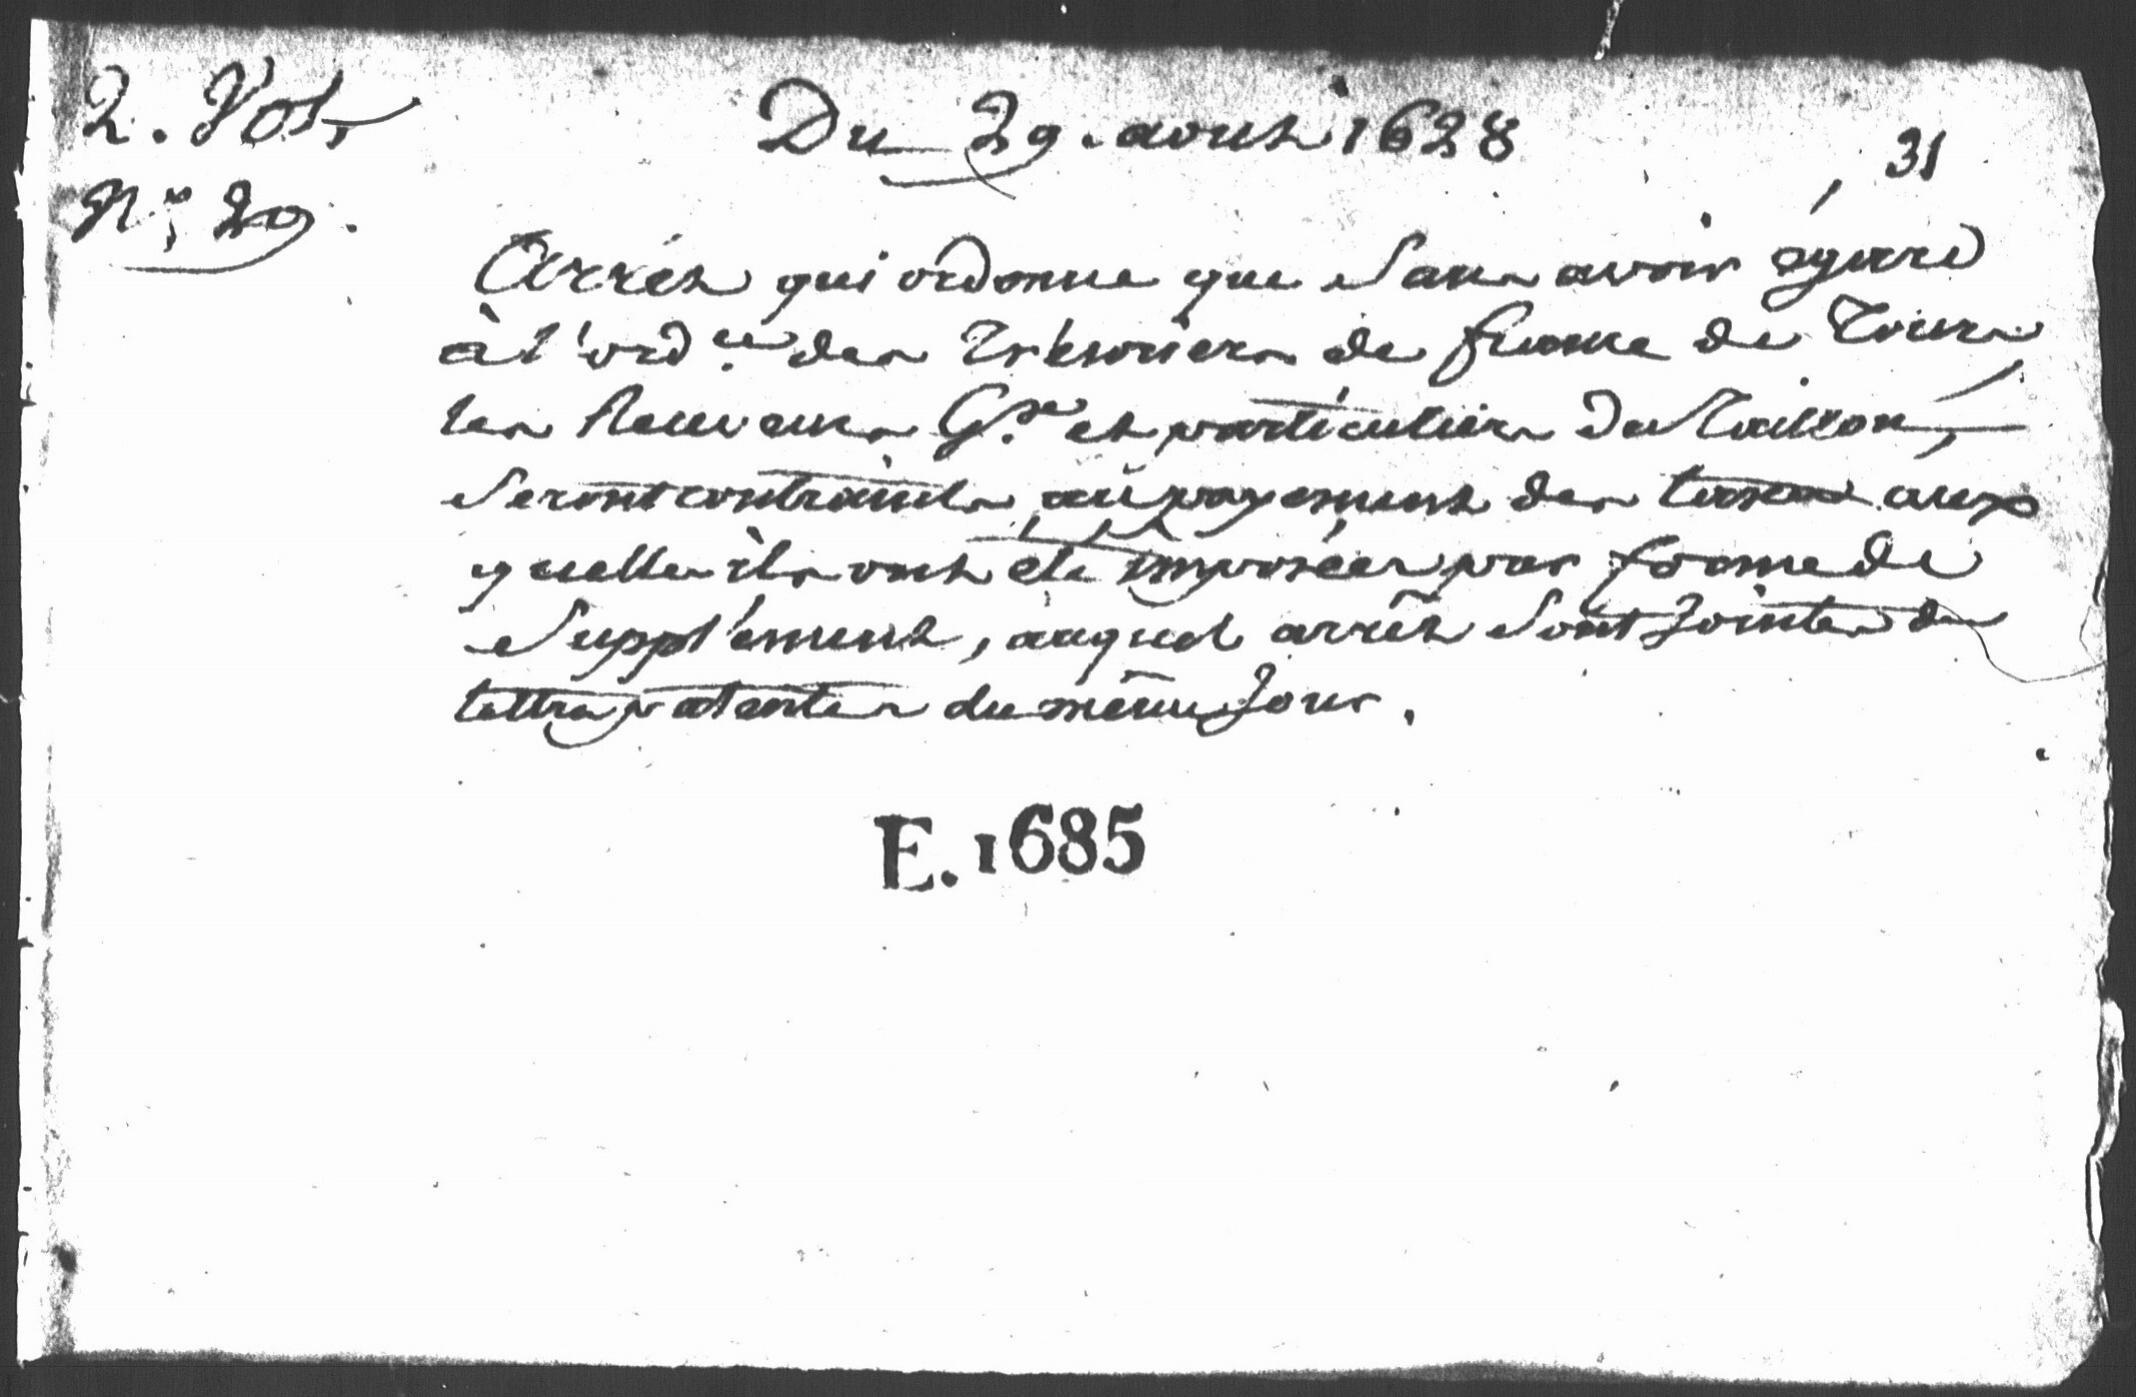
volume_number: n°29
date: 29 août 1628
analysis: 31
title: Arrêt qui ordonne que sans avoir égard à l'ord.ce des Trésoriers de France de Tours, les Receveurs G.x et particuliers du taillon, seront contraints au payement des taxes auxquelles ils ont été imposées par forme de supplément, auquel arrêt sont joints des lettres patentes du même jour.
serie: E
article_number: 1685
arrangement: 2. vol.
